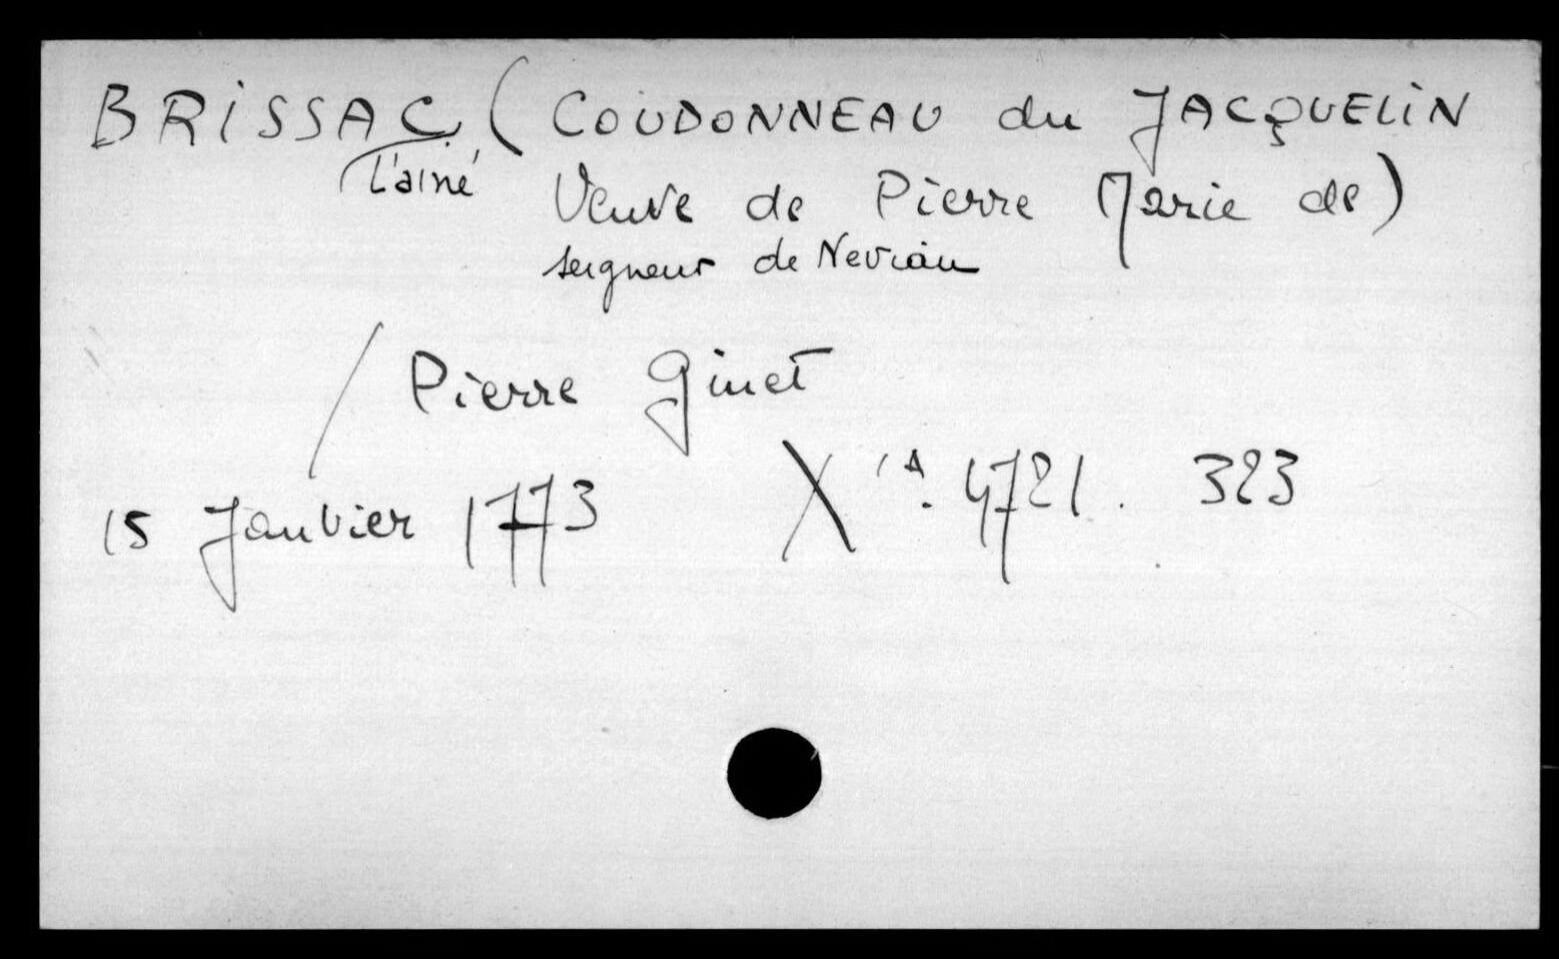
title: BRISSAC Veuve de Pierre Marie de CoudoNNEAU du JACQUELIN L'ainé, seigneur de Neviau
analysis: Contre Pierre Ginet
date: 15 janvier 1773
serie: X1A
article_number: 4721
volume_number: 323
